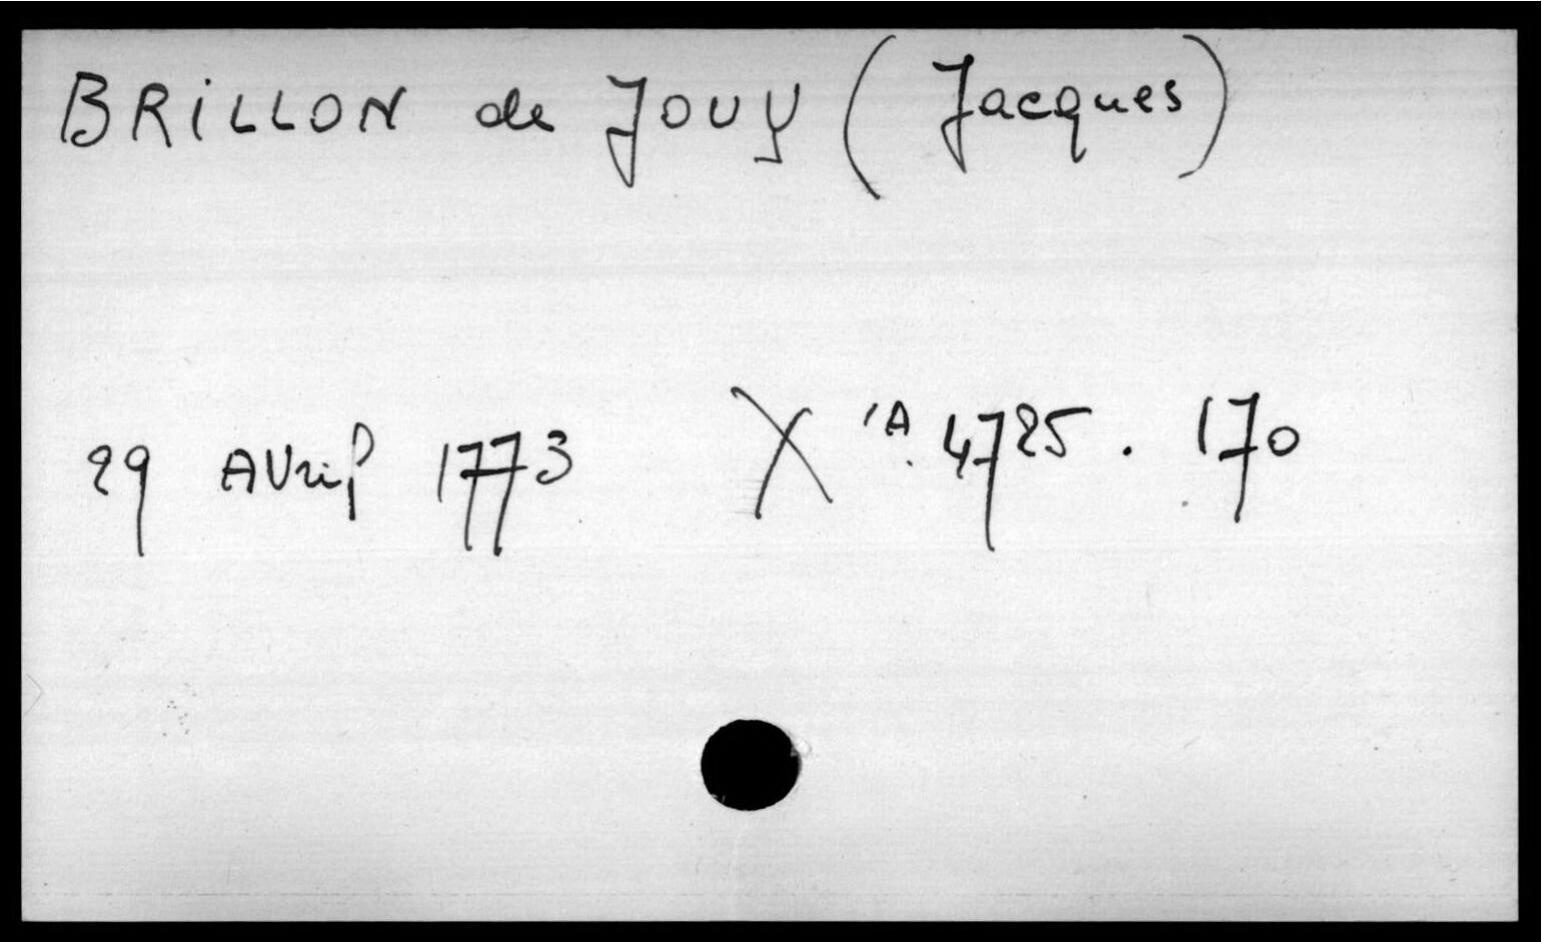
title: BRILLON de JOUY (Jacques)
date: Avril 1773
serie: X1A
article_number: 4725
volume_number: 170
